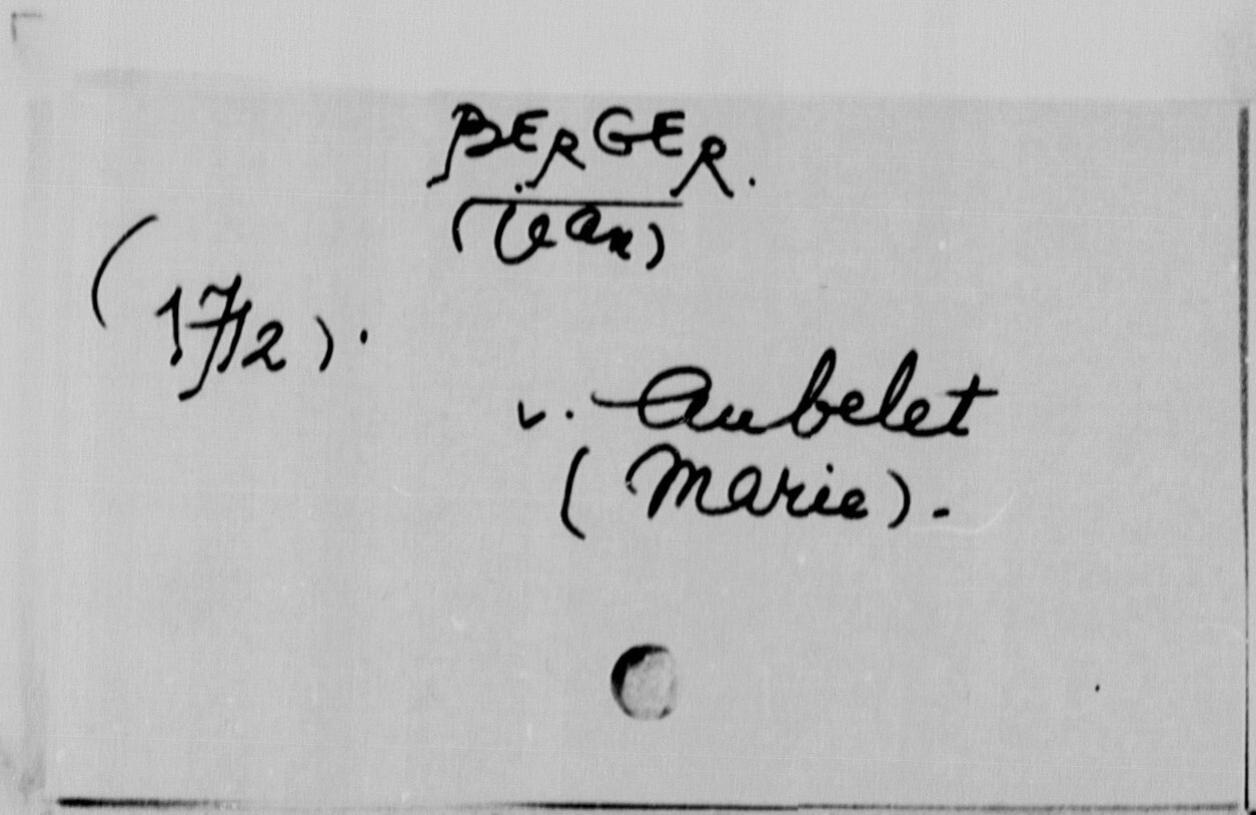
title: BERGER (Jean)
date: (1712)
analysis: Voir : AUBELET (Marie)
